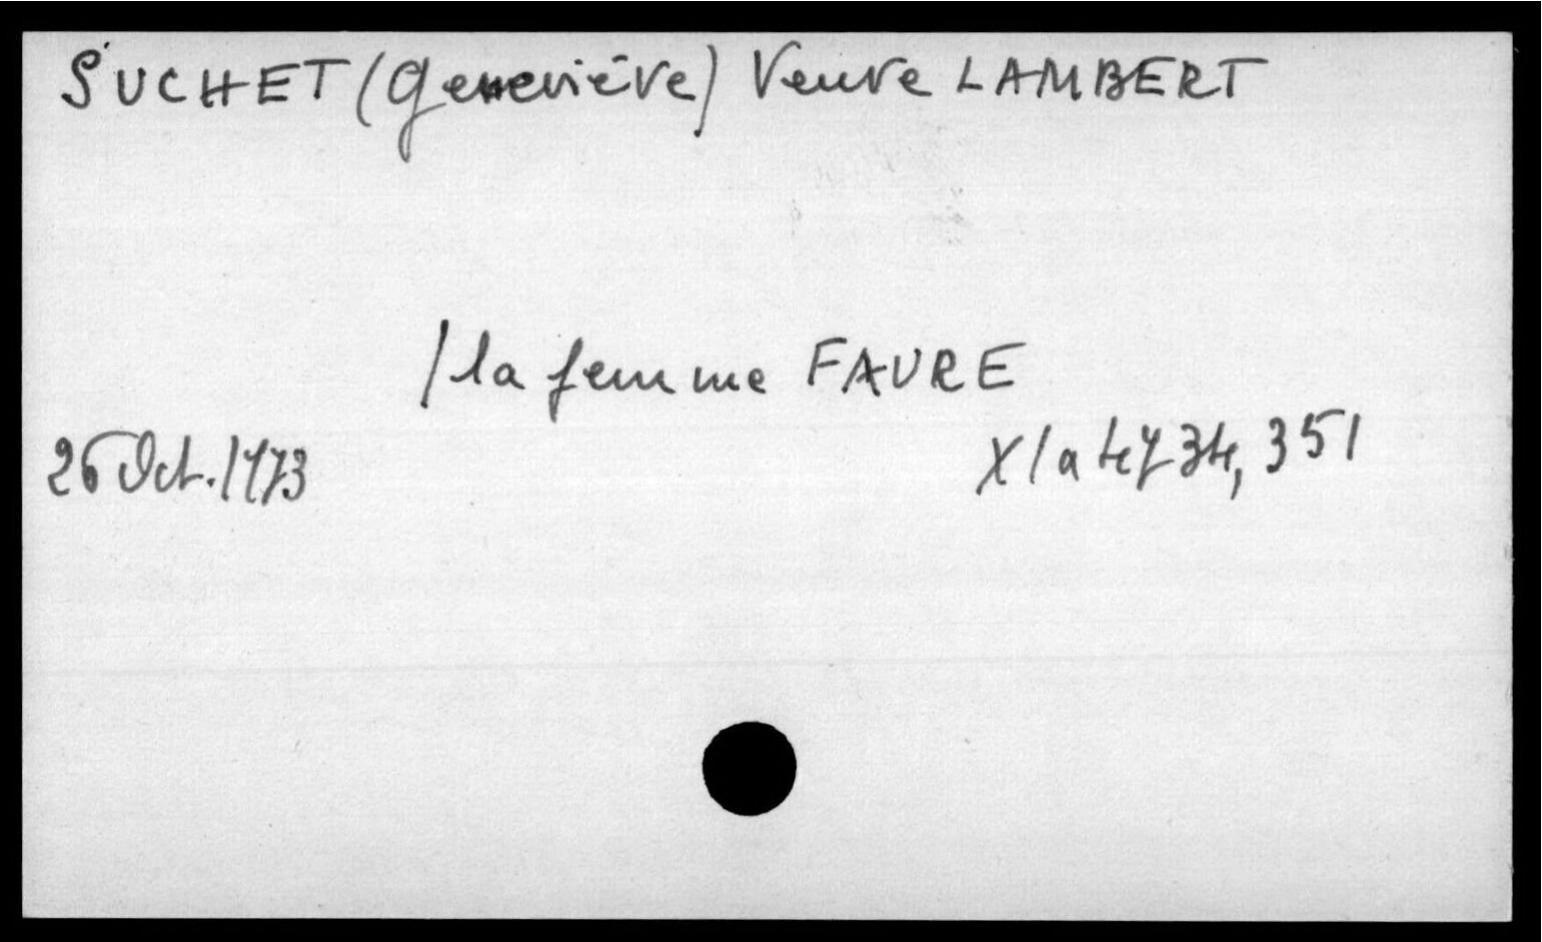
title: SUCHET (Geneviève) Veuve LAMBERT
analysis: Contre la femme FAURE
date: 26 octobre 1773
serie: X1a
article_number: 4734
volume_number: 351
